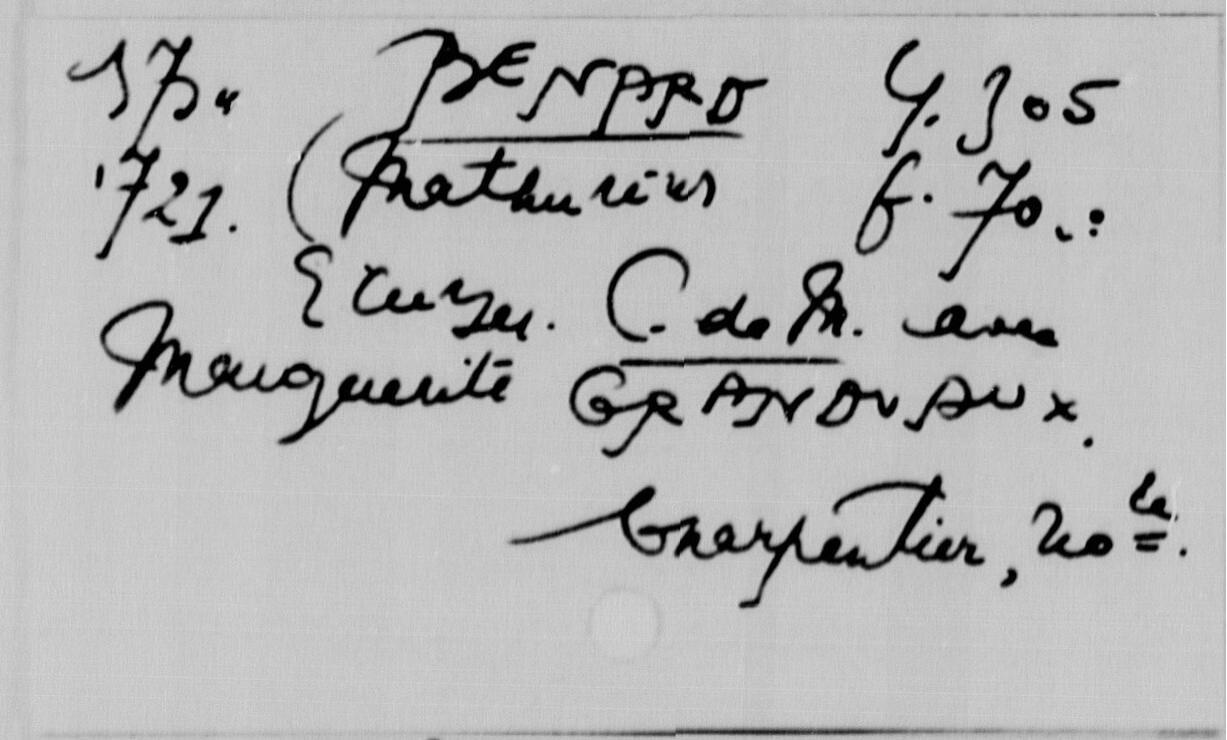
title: BENARD (Mathurin)
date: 1704-1721
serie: Y
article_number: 305
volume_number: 70v
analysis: Écuyer. Contrat de mariage avec Marguerite GRANDUAUX Charpentier, notaire
